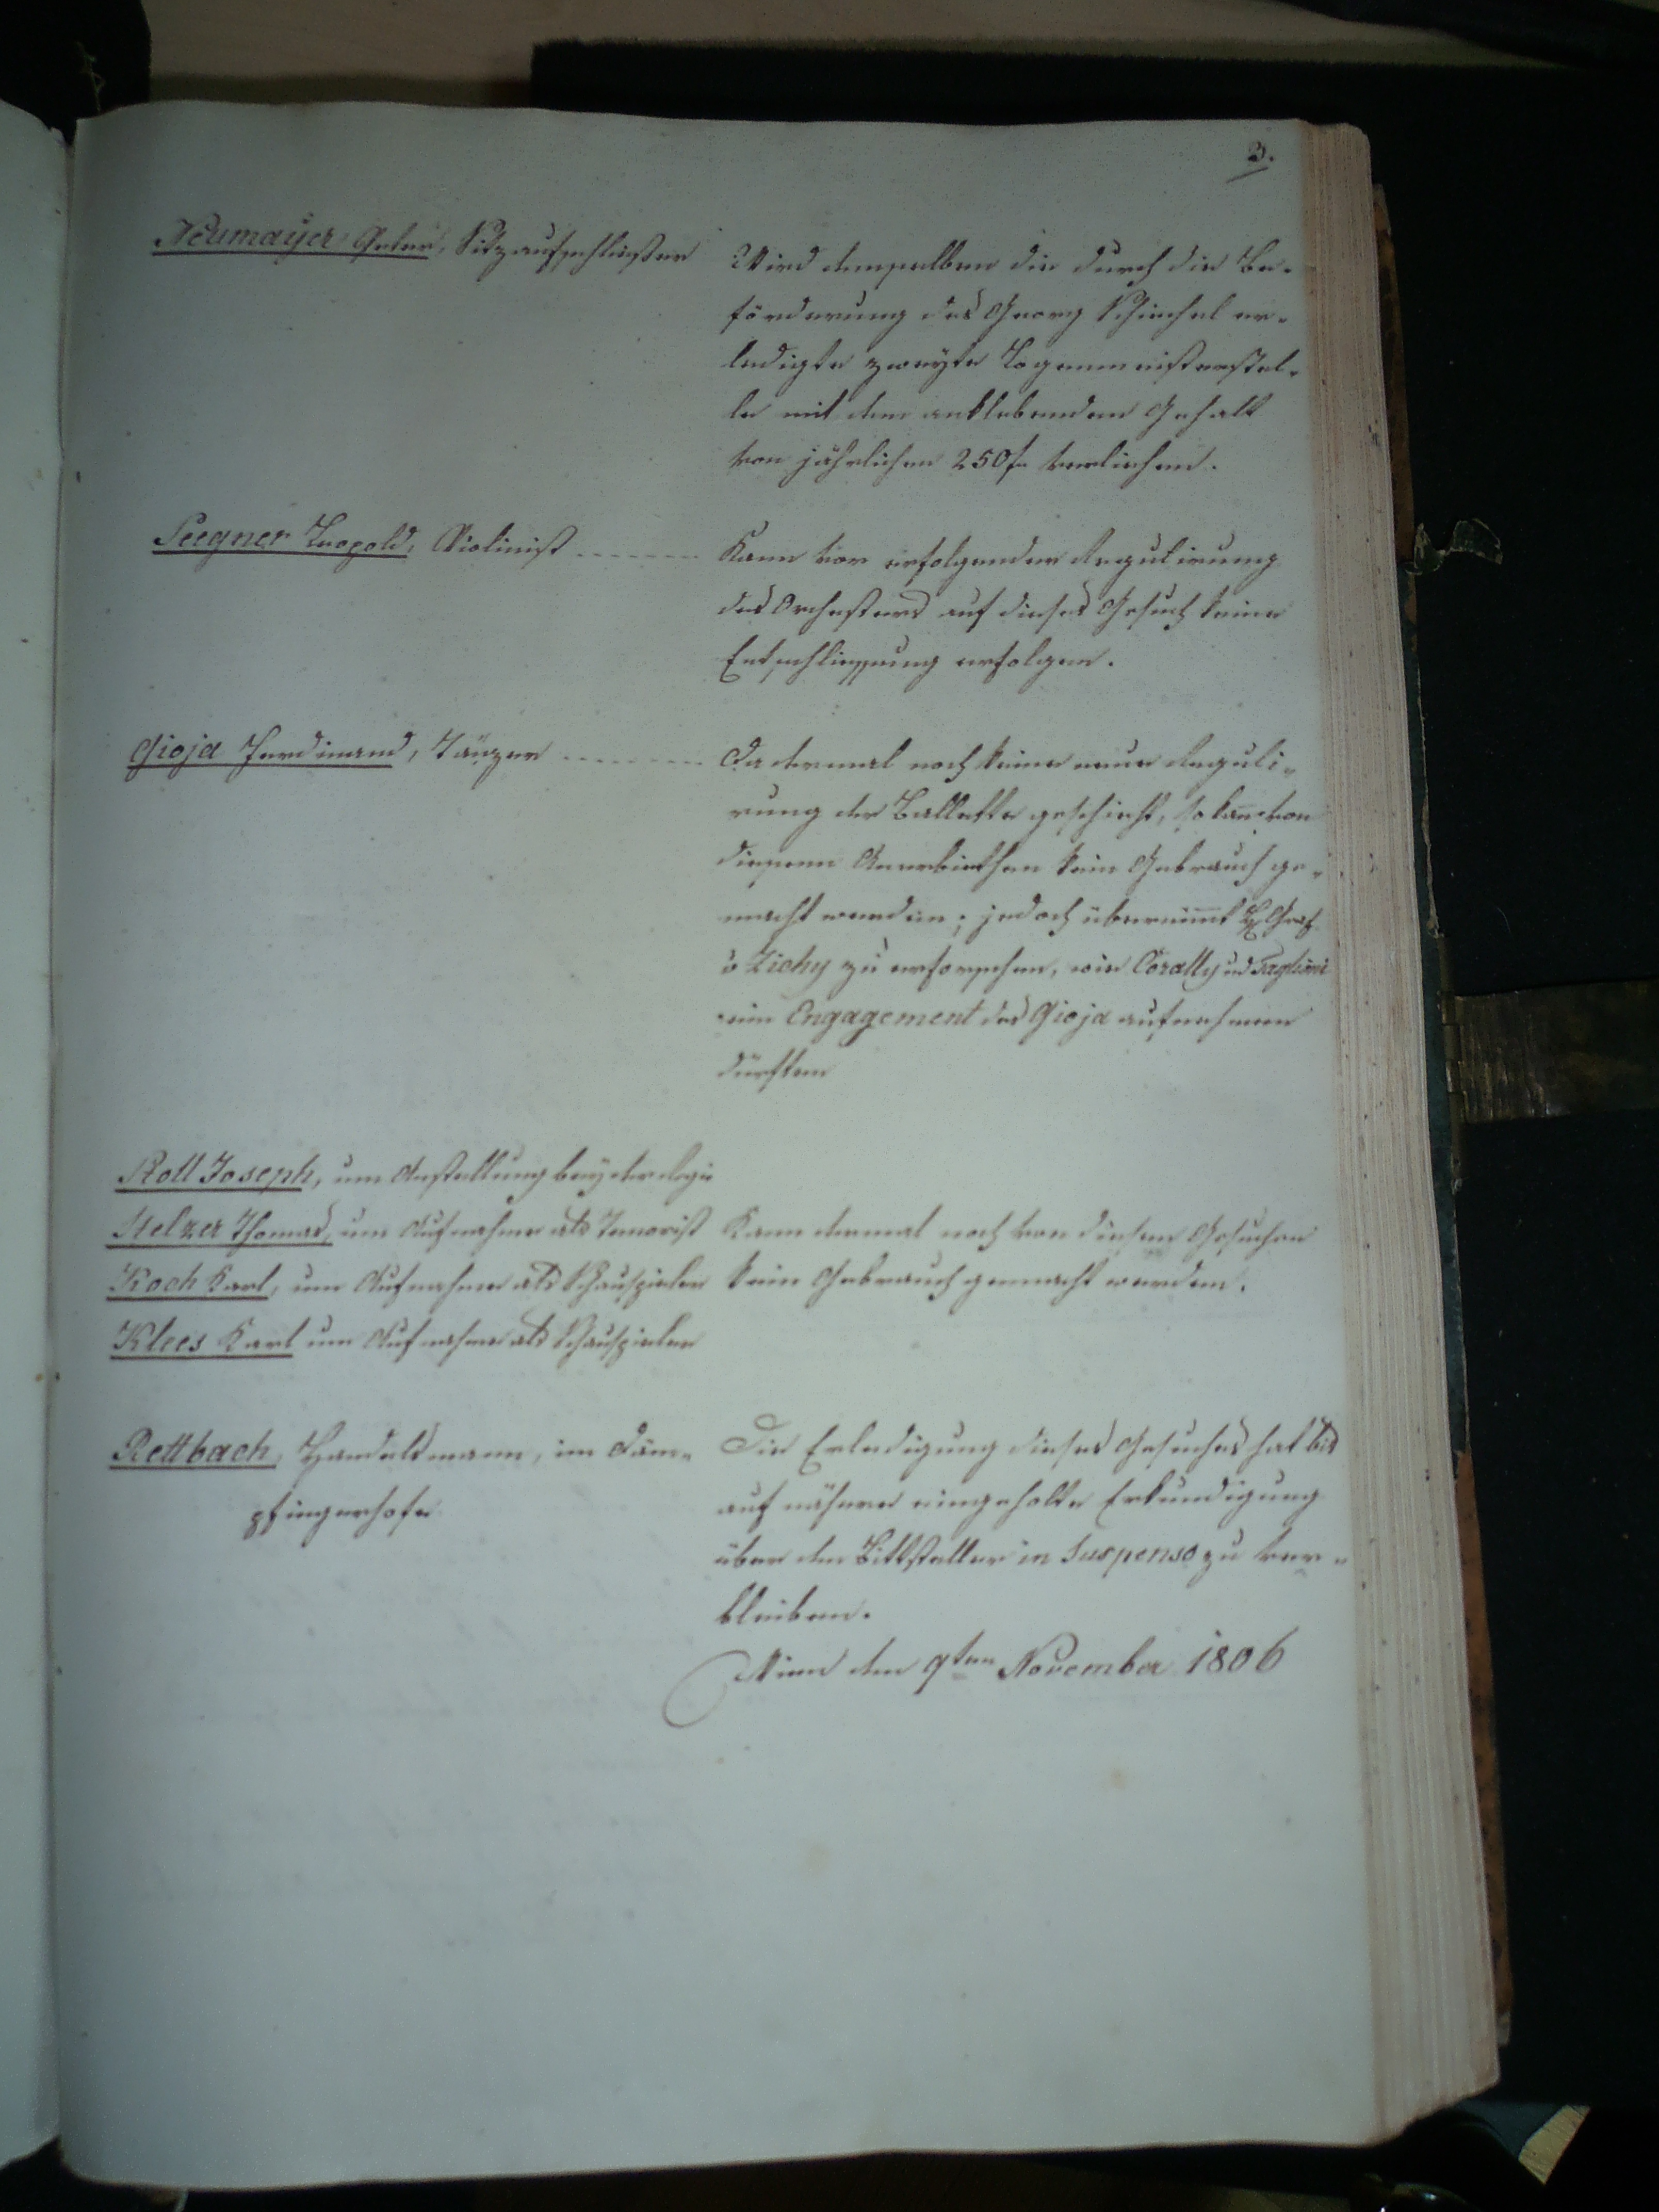3.
Neumayer Peter, Sitzaufschließer Wird demselben die durch die Be¬
förderung des Georg Schiechel er¬
ledigte zweyte Logenmeisterstel¬
le mit dem anklebendem Gehalt
von jährlichen 250fn verliehen.
Seegner Leopold, Violinist …….. Kann vor erfolgender Regulirung
des Orchesters auf dieses Gesuch keine
Entschliessung erfolgen.
Gioja Ferdinand, Tänzer ……… Da dermal noch keine neue Reguli¬
rung der Ballette geschieht, so kan̅ von
diesem Anerbiethen kein Gebrauch ge¬
macht werden; jedoch übernim̅t HE Graf
v Zichy zu erforschen, wie Corally und Arglini
ein Engagement des Gioja auserseen
dürften
Stoll Joseph, um Anstellung bey der Regie
Stelzer Thomas, um Aufnahme als Tenorist
Koch Karl, um Aufnahme als Schauspieler
Klees Karl um Aufnahme als Schauspieler
Kann dermal noch von diesen Gesuchen
kein Gebrauch gemacht werden.
Rettbach, Handelsmann, im Däm¬
pfingerhofe
Die Erledigung dieses Gesuches hat bis
auf nähere eingeholte Erkundigungen
über den Bittsteller in Suspenso zu ver¬
bleiben.
Wien den 9te͇n November 1806